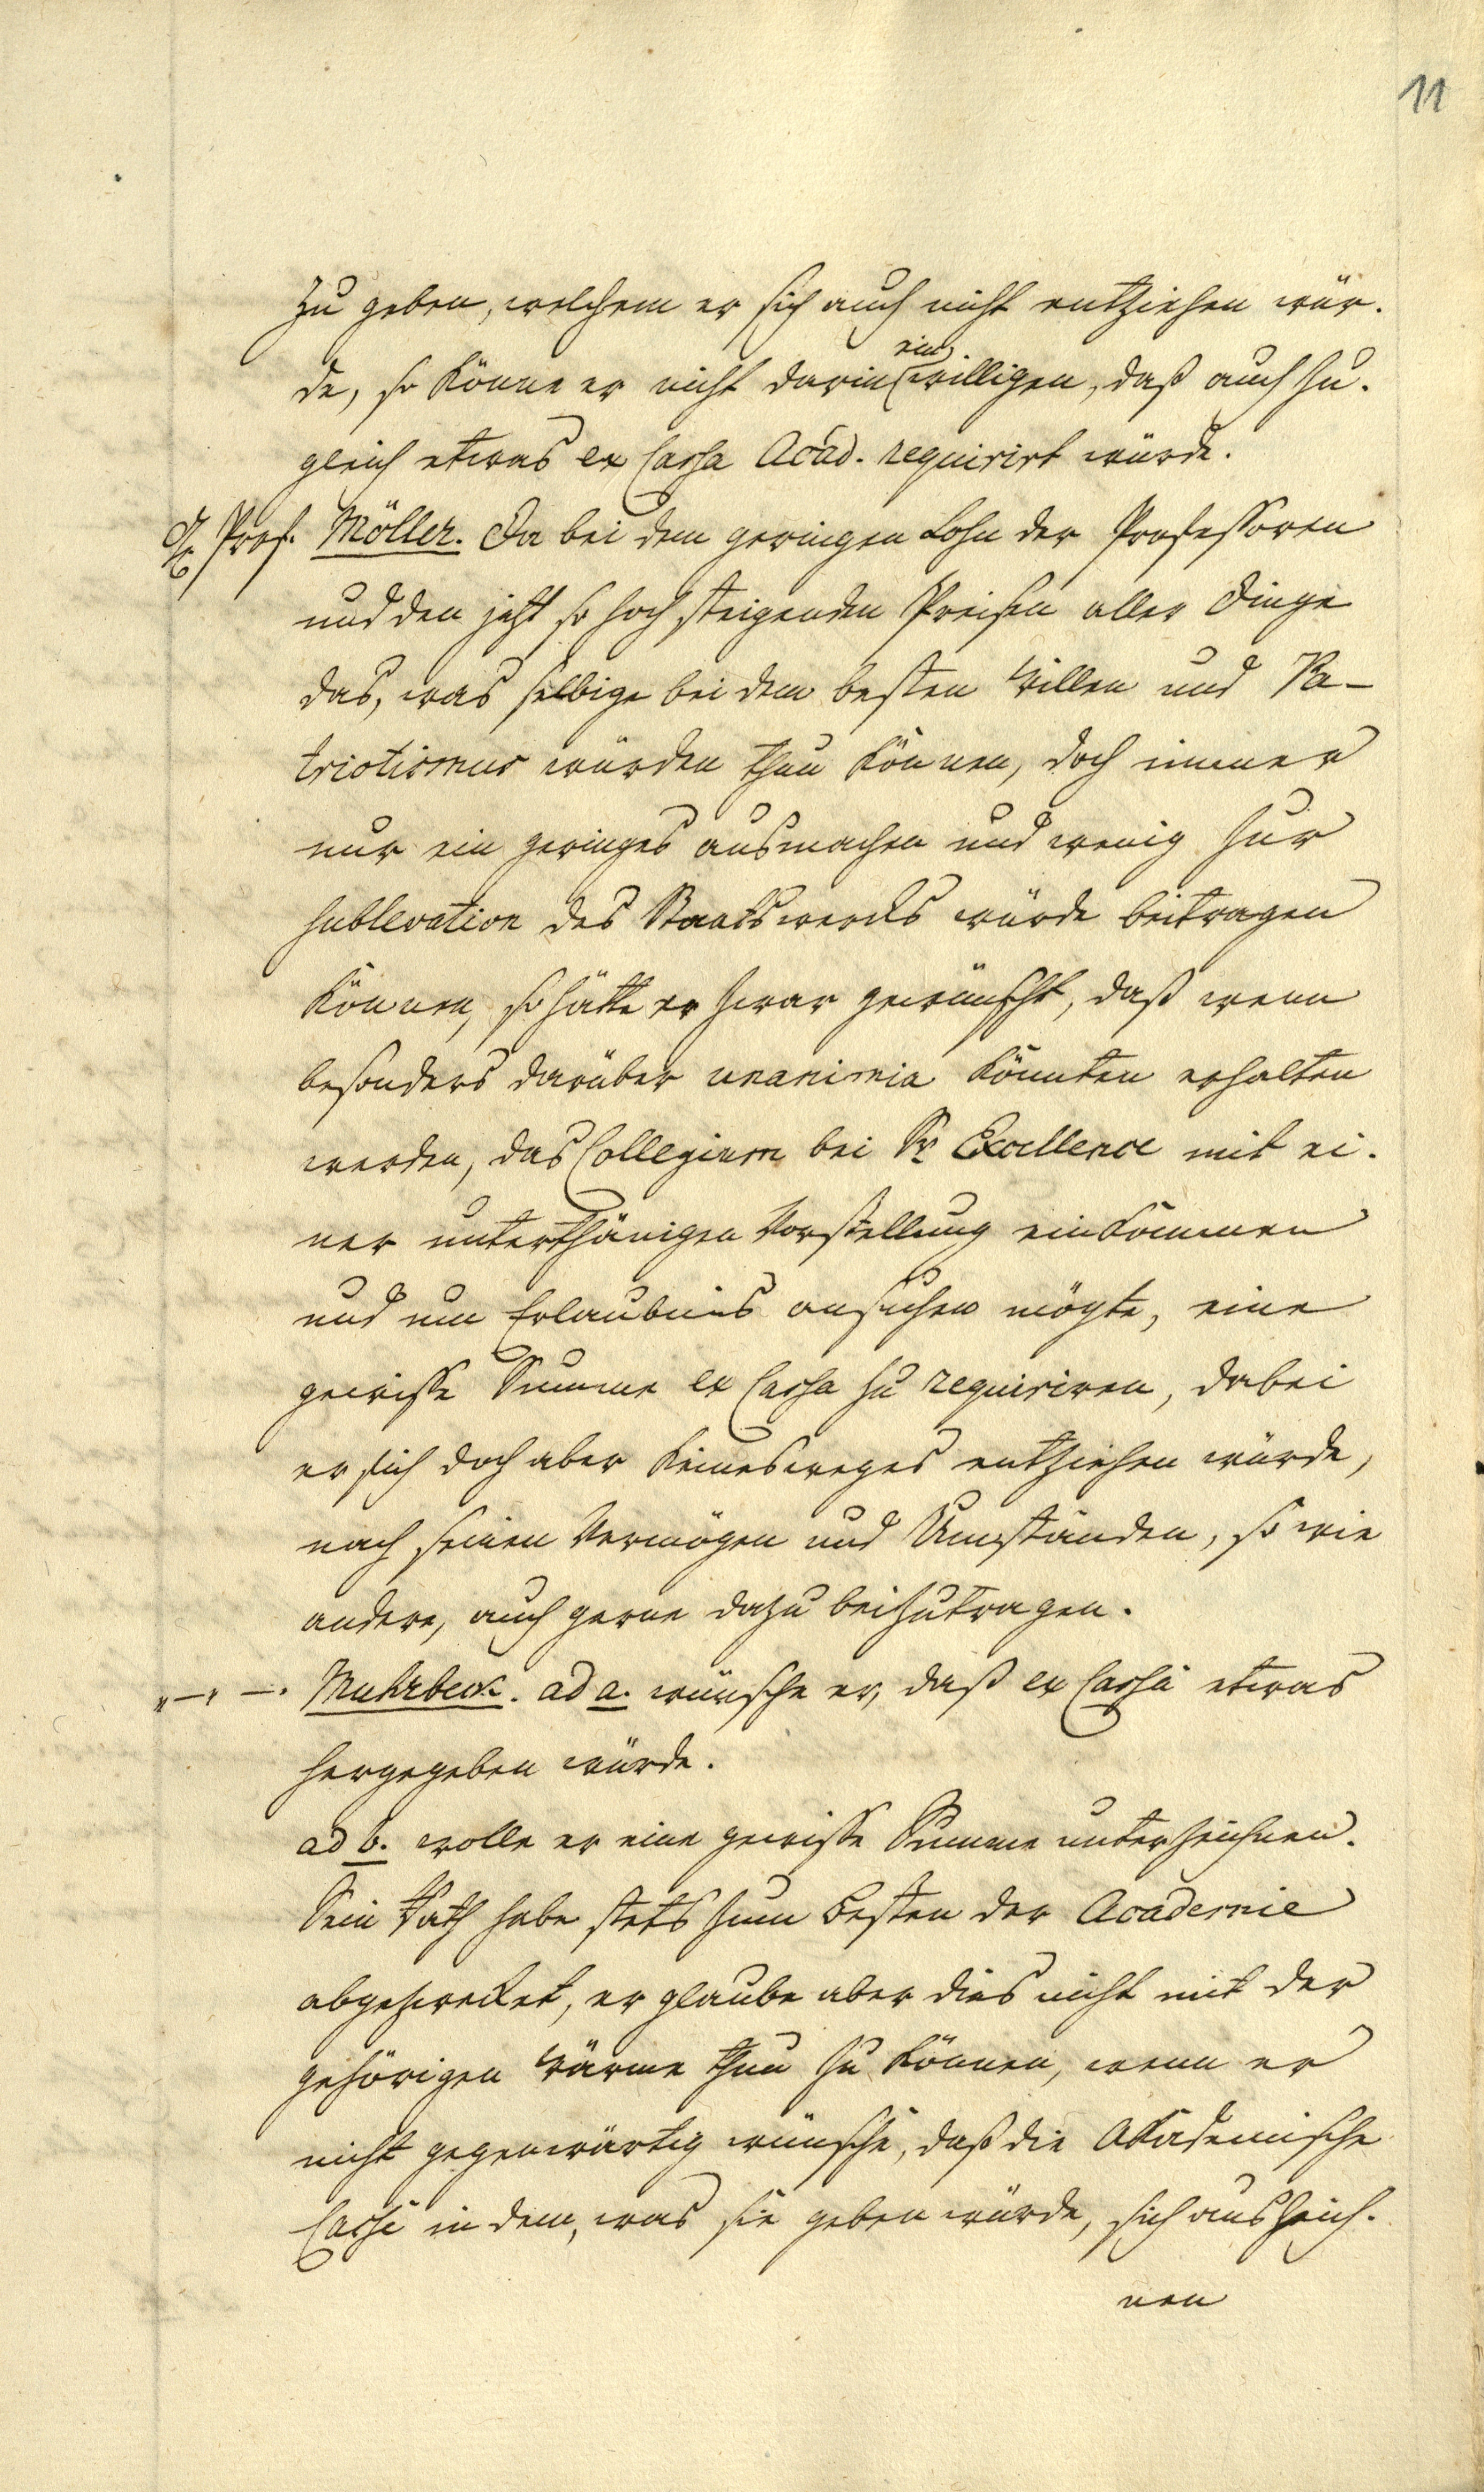zu geben, welchem er sich auch nicht entziehen wür-
de, so könne er nicht darin willigen, daß auch zu-
gleich etwas ex Cassa Acad. requirirt würde.
dh. Prof. Möller. Da bei dem geringen Lohn der Professoren
und den jetzt so hoch steigenden Preisen aller Dinge
das, was selbige bei dem besten Willen und Pa-
triotismus würden thun können, doch immer
nur ein geringes ausmachen und wenig zur
sublevation des Staatswerks würde beitragen
können, so hätte er zwar gewünscht, daß wenn
besonders darüber unanimia könnten erhalten
werden, das Collegium bei Sr. Excellence mit ei-
ner unterthänigen Vorstellung einkommen
und um Erlaubnis ansuchen mögte, eine
gewisse Summe ex Cassa zu requiriren, dabei
er sich doch aber keinesweges entziehen würde,
nach seinem Vermögen und Umständen, so wie
andere, auch gerne dazu beizutragen.
" - " - . Muhrbeck. ad a. wünsche er, daß ex Cassa etwas
hergegeben würde.
ad b. wolle er eine gewisse Summe unterzeichnen.
Sein Rath habe stets zum Besten der Academie
abgezwecket, er glaube aber dies nicht mit der
gehörigen Wärme thun zu können, wenn er
nicht gegenwärtig wünsche, daß die Akademische
Casse in dem, was sie geben würde, sich auszeich-
nen